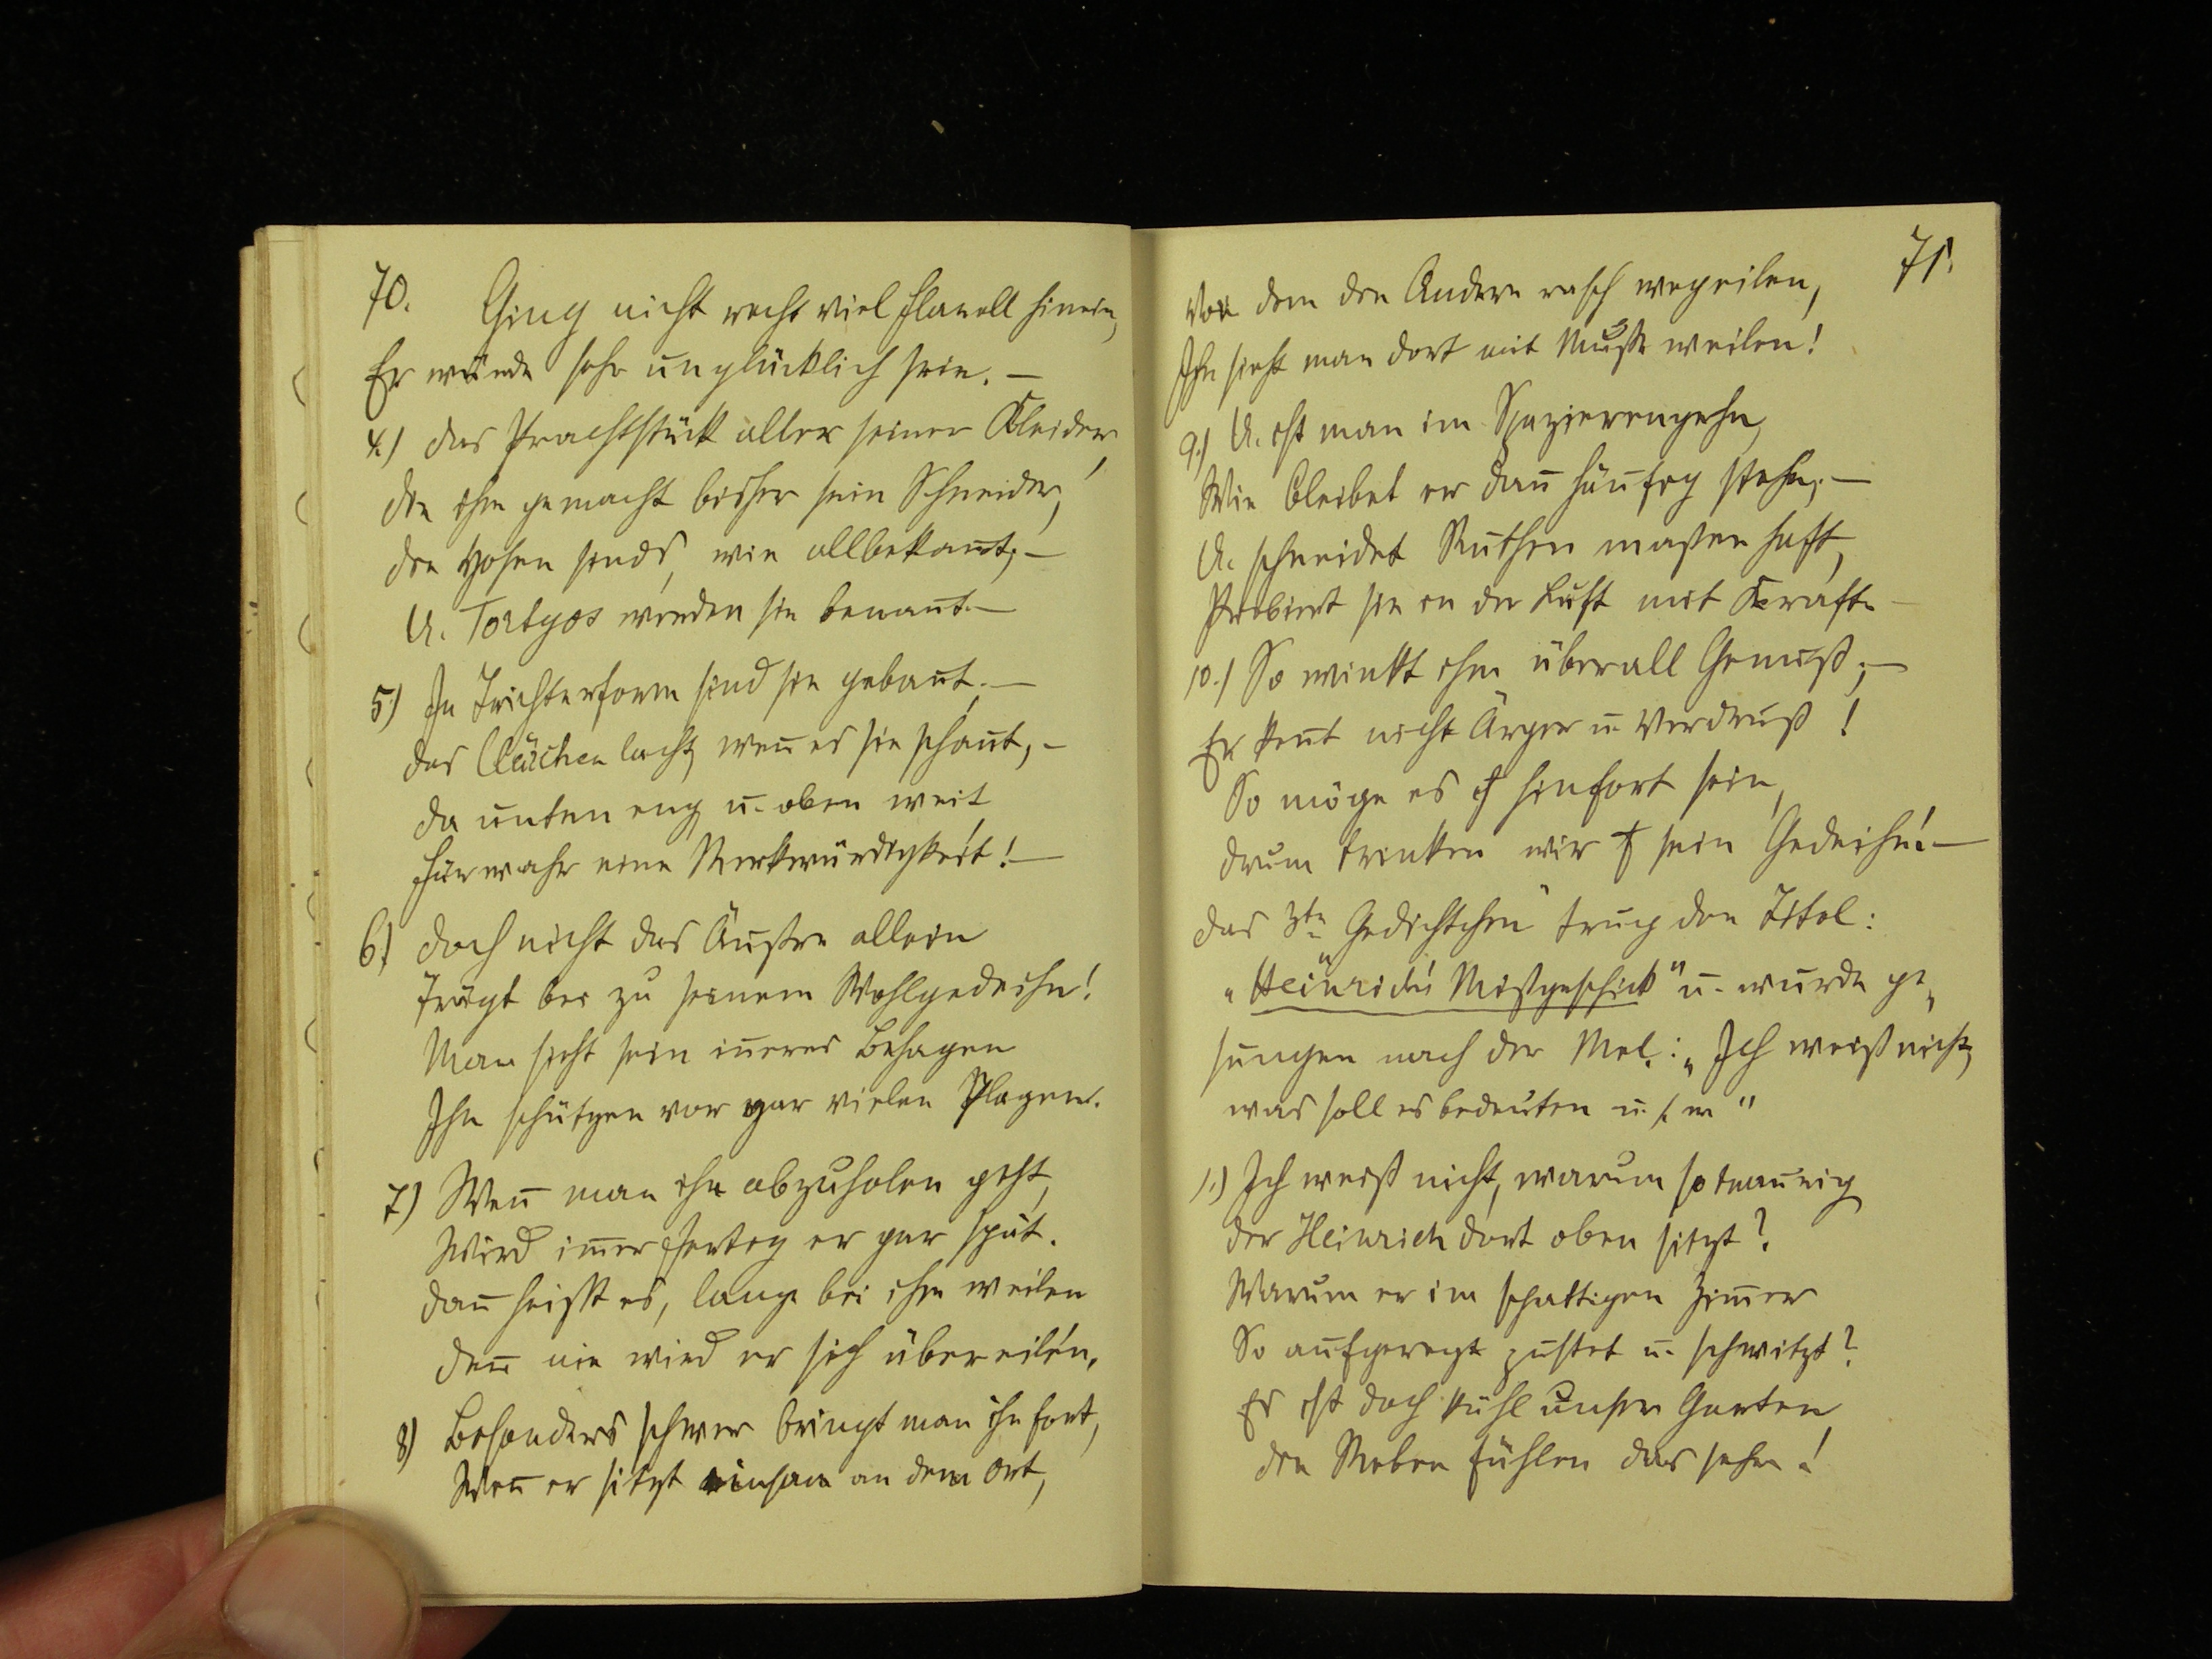70
Ging nicht recht viel Flanell hinein
Er würde sehr unglücklich sein.-
4) Das Prachtstück aller seiner Kleider
Die ihm gemacht bisher sein Schneider
Die Hosen sinds wie allbekant
U. Tortyos werden sie benannt
5) In Trichterform sind sie gebaut. -
Das Clärchen lacht wen es sie schaut, -
Da unten eng u. oben weit
Fürwahr eine Merkwürdigkeit ! -
6) Doch nicht das Äußere allein
Trägt bei zu seinem Wohlgedeihn !
Man sieht sein ineres Behagen
Ihn schützen vor gar vielen Plagen.
7) Wen man ihn abzuholen geht,
wird immer fertig er gar spät.
Dan heißt es lange bei ihm weilen
Den nie wird er sich übereilen.
8) Besonders schwer bringt man ihn fort,
Wen er sitzt einfach an dem Ort,
71
Von dem die Anderen rasch wegeilen,
Ihn sieht man dort mit Muße weilen !.
9) U. ist man im Spazierengehen,
Wie bleibet er dan häufig stehen. -
U. schneidet Ruthen maßenhaft,
Probiert sie in der Luft mit Kraft.
10) So winkt ihm überall Genuß, -
Er kent nicht Ärger u. Verdruß !
So möge es auch hinfort sein,
Drum trinken wir auf sein Gedeihen ! -
Das 3-te Gedichtchen trug den Titel :
„Heinrichs Mißgeschick“ u. wurde ge¬
sungen nach der Mel : „ Ich weiß nicht
was soll das bedeuten u.s.w.“
1) Ich weiß nicht, warum so traurig
der Heinrich dort oben sitzt ?
Warum er im schattigen Zimer
So aufgeregt zittert und schwitzt ?
Es ist doch kühl unser Garten
Die Reben füllen das Jahr ! -